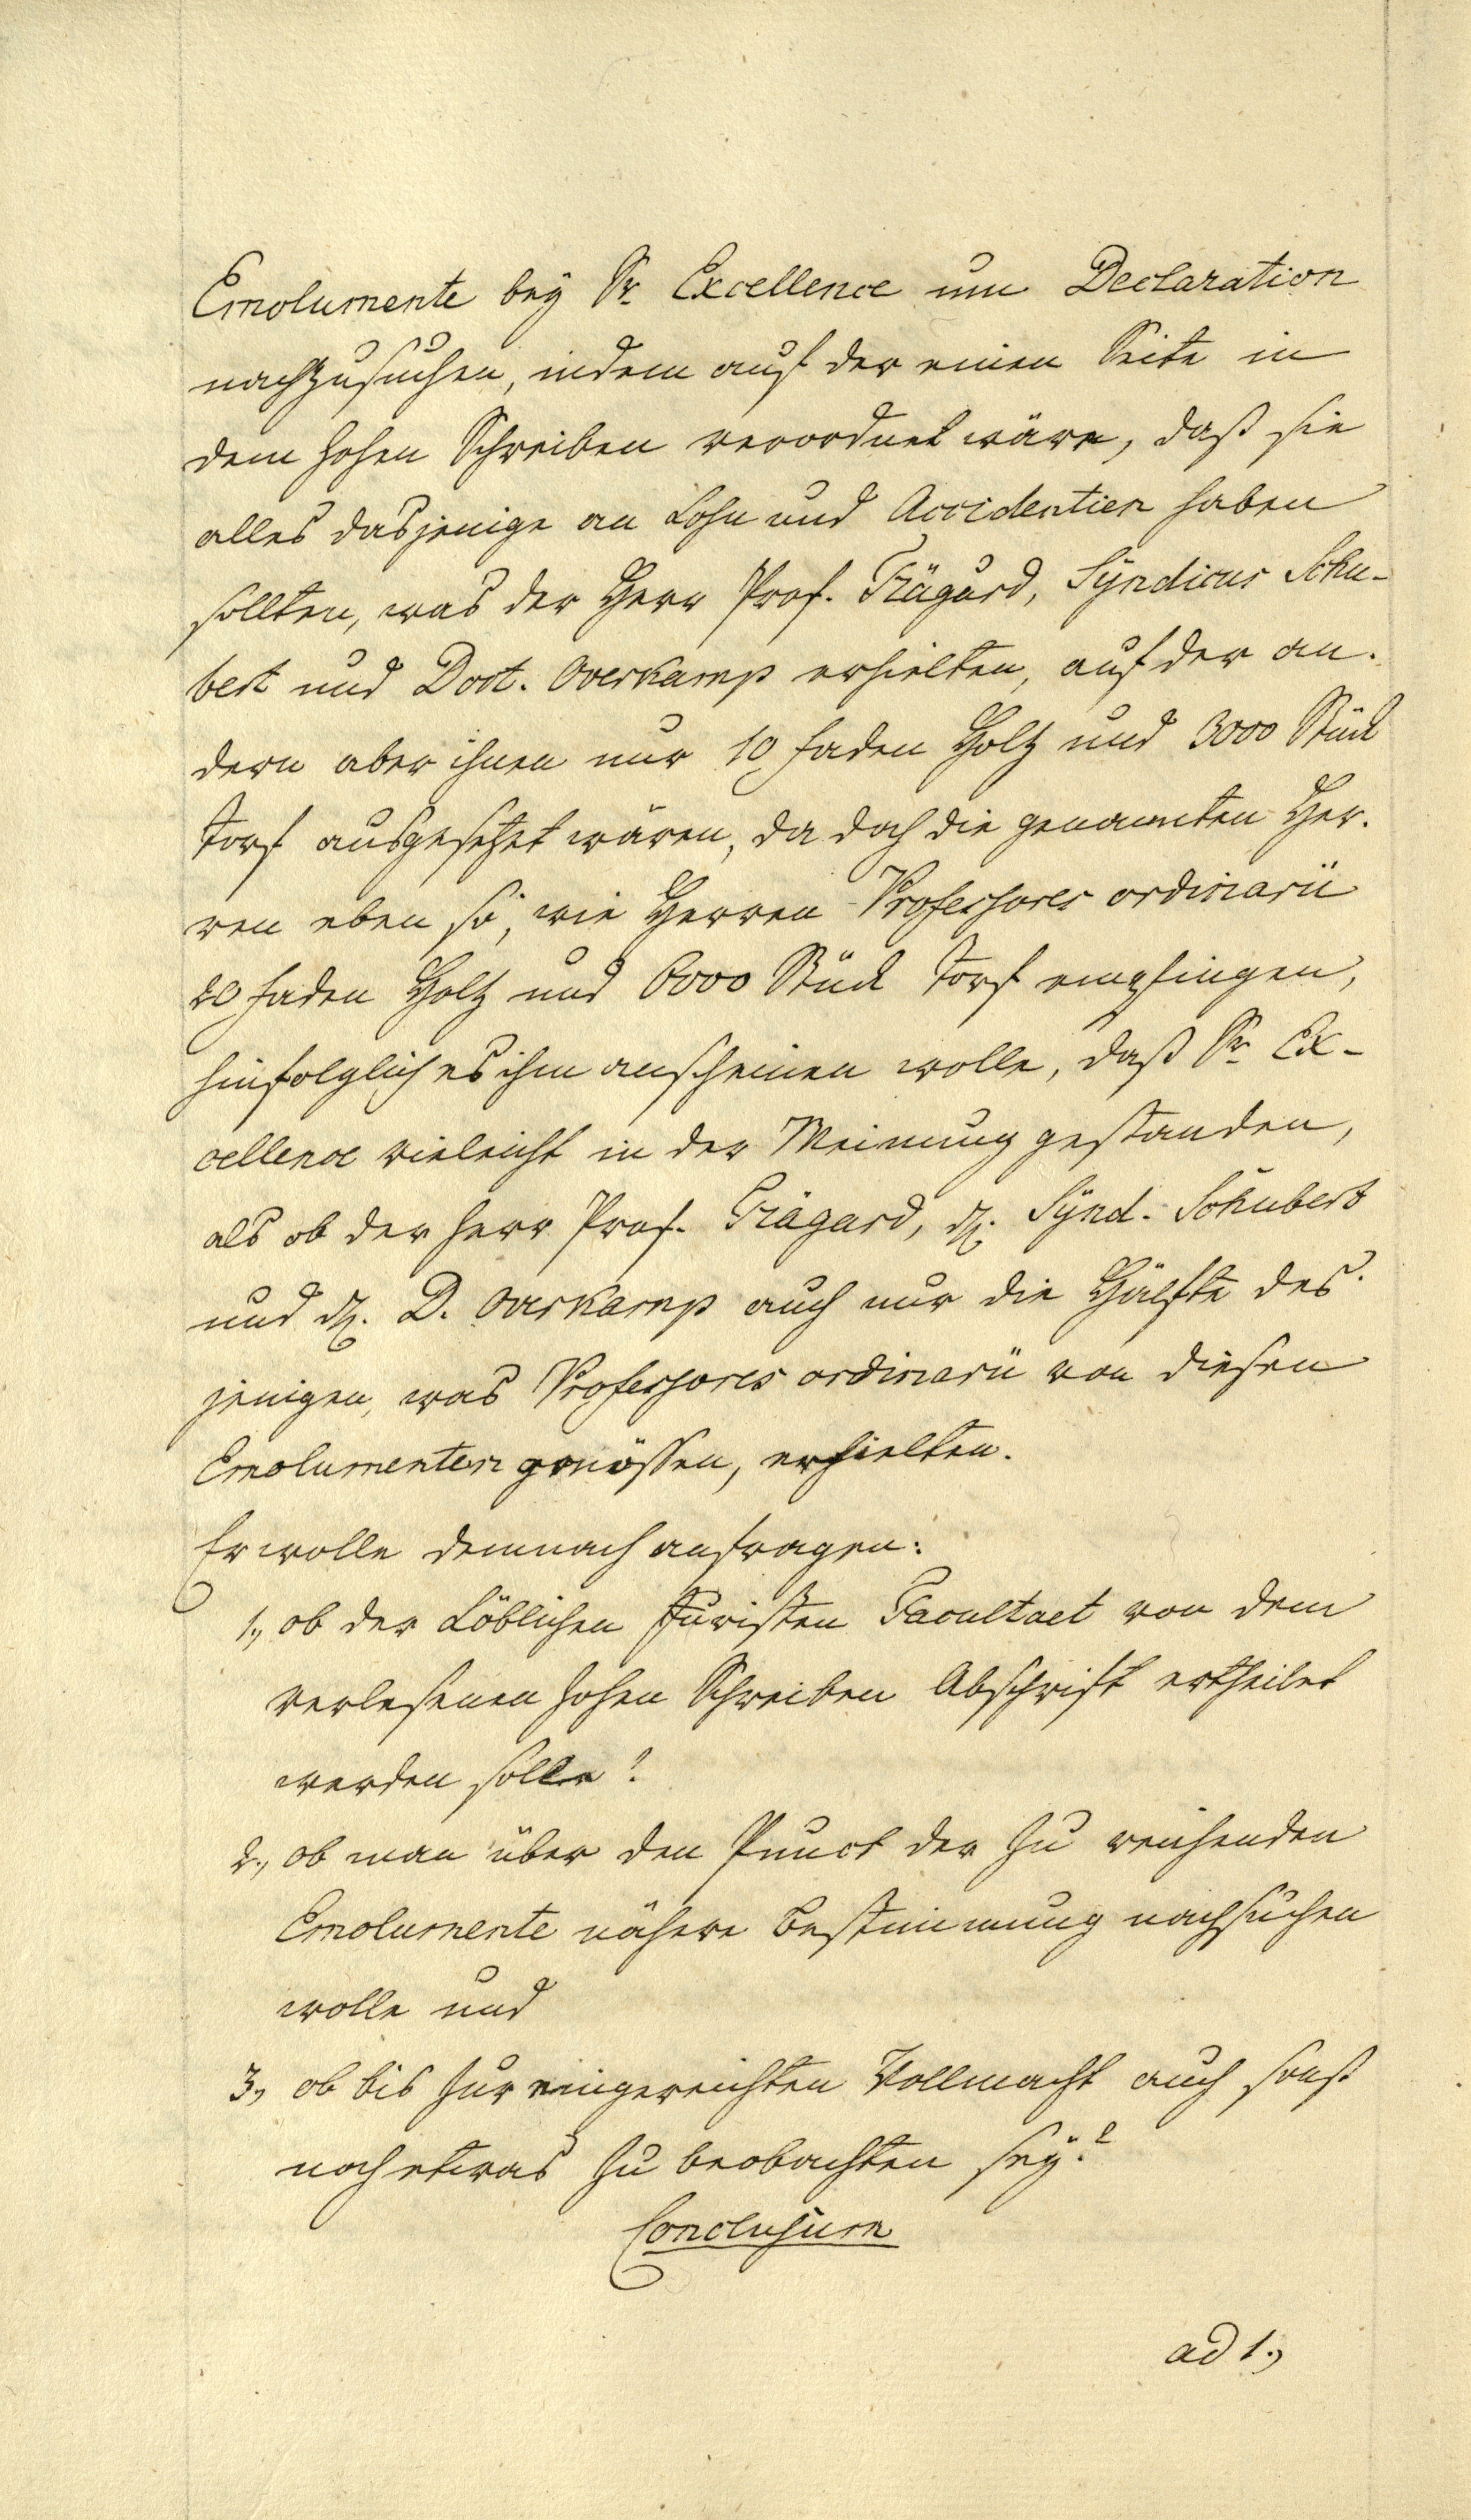Emolumente beÿ Sr Excellence um Declaration
nachzusuchen, indem auf der einen Seite in
dem hohen Schreiben verordnet wäre, daß sie
alles dasjenige an Lohn und Accidentien haben
sollten, was der Herr Prof. Trägård, Sÿndicus Schu¬
bert und Doct. Overkamp erhielten, auf der an¬
dern aber ihnen nur 10 Faden Holz und 3000 Stück
Torf ausgesetzet wären, da doch die genannten Her¬
ren eben so, wie Herren Professores ordinarii
20 Faden Holz und 6000 Stück Torf engfingen,
hinfolglich es ihm anscheinen wolle, daß Sr Ex¬
cellence vieleicht in der Meinung gestanden,
als ob der Herr Prof. Trägård, dh. Sÿnd. Schubert
und dh. D. Overkamp auch nur die Hälfte des
jenigen, was Professores ordinarii von diesen
Emolumenten genössen, erhielten.
Er wolle demnach anfragen:
1., ob der Löblichen Juristen Facultaet von dem
verlesenen hohen Schreiben Abschrift ertheilet
werden solle?
2., ob man über den Punct der zu reichenden
Emolumente nähere Bestimmung nachsuchen
wolle und
3., ob bis zur eingereichten Vollmacht auch sonst
noch etwas zu beobachten seÿ?
Conclusum
ad 1.,